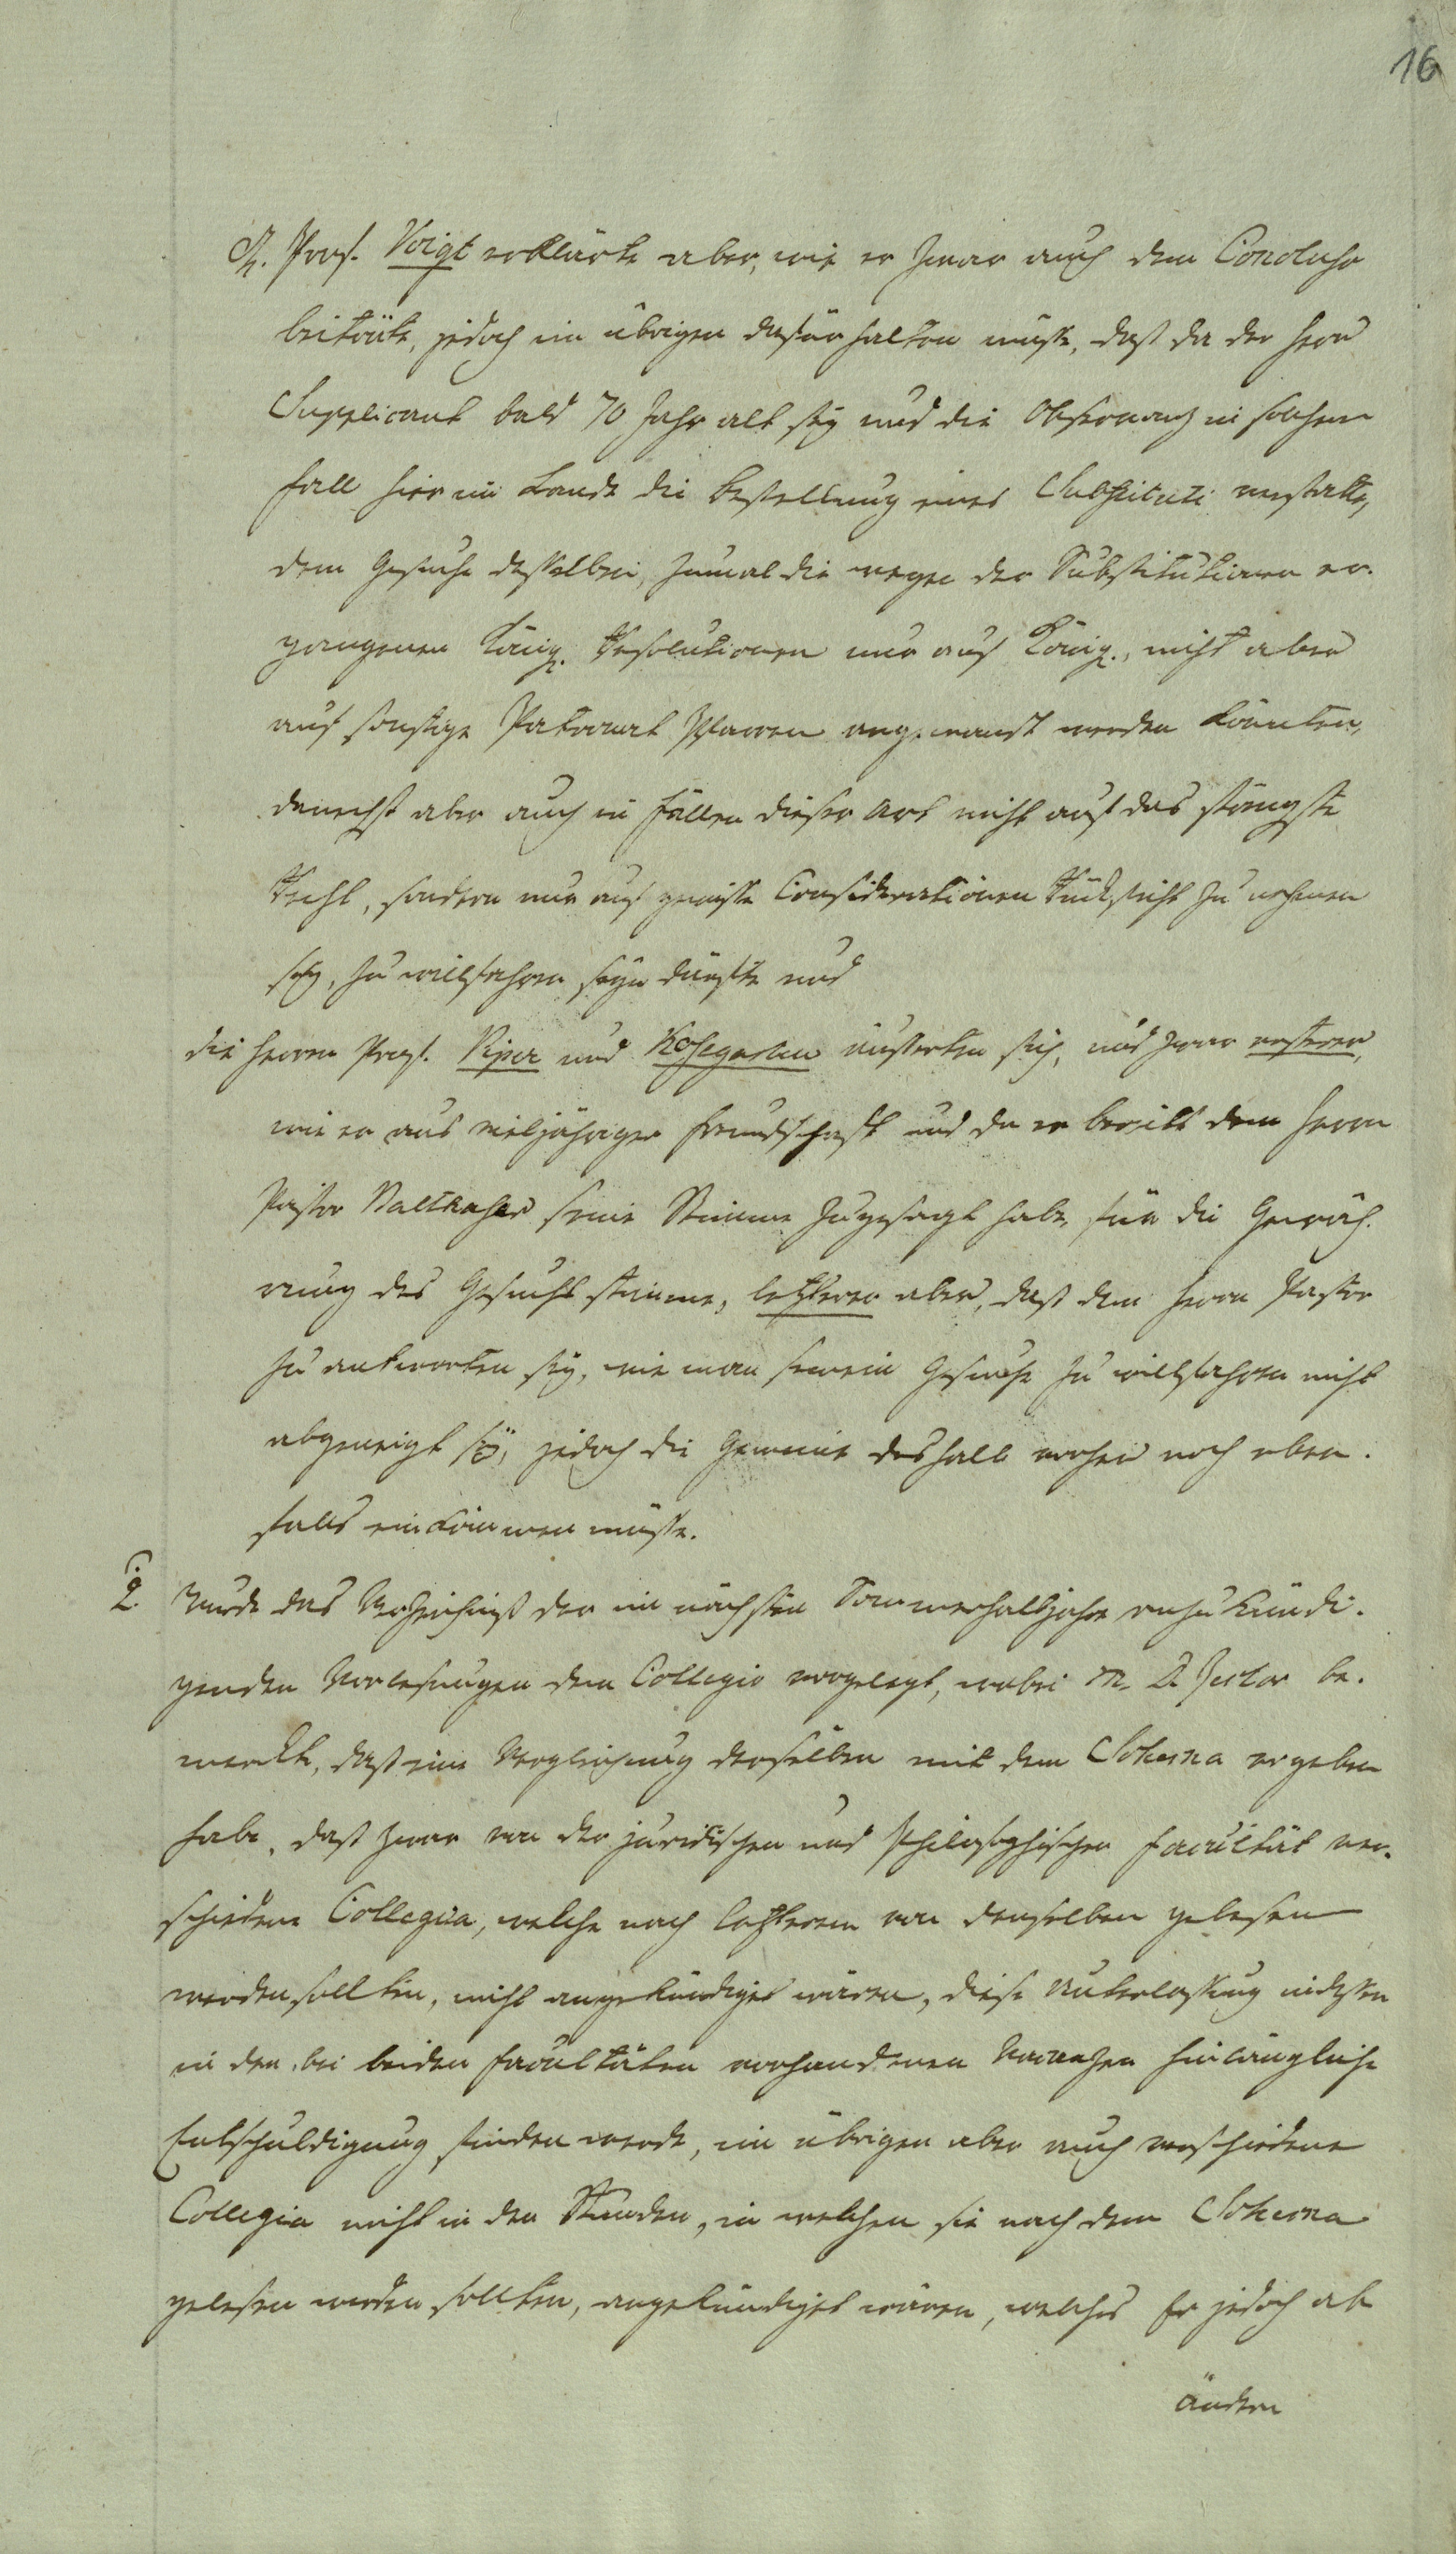dh. Prof. Voigt erklärte aber, wie er zwar auch dem Concluso
beiträte, jedoch im übrigen dafür halten müsse, daß da der Herr
Supplicant bald 70 Jahr alt seÿ und die Observanz in solchem
Fall hier im Lande die Bestellung eines Substituti verstatte,
dem Gesuche desselben, zumal die wegen der Substitutionen er¬
gangenen Königl. Resolutionen nur auf Königl., nicht aber
auf sonstige Patronat Pfarren angewandt werden könnten,
dannechst aber auch in Fällen dieser Art nicht auf das strengste
Recht, sondern nur auf gewisse Considerationen Rücksicht zu nehmen
seÿ, zu willfahren seÿn dürfte und
die Herren Piper und Kosegarten äusserten sich, und zwar ersterer
wie er aus vieljähriger Freundschaft und da er bereits dem Herrn
Pastor Balthasar seine Stimme zugesagt habe, für die Gewäh¬
rung des Gesuchs stimme, letzterer aber, daß dem Herrn Pastor
zu antworten seÿ, wie man seinem Gesuche zu willfahren nicht
abgeneigt seÿ, jedoch die Gemeine deshalb vorher noch eben¬
falls einkommen müsse.
2. Wurde das Verzeichniß der im nächsten Sommerhalbjahre anzukündi¬
genden Vorlesungen dem Collegio vorgelegt, wobei M. D. Rector be¬
merckte, daß eine Vergleichung derselben mit dem Schema ergeben
habe, daß zwar von der juridischen und Philosophischen Facultät ver¬
schiedene Collegia, welche nach letzteren von denselben gelesen
werden sollten, nicht angekündiget wären, diese Unterlassung indessen
in den bei beiden Facultäten vorhandenen Vacanzen hinlängliche
Entschuldigung finden werde, im übrigen aber auch verschiedene
Collegia nicht in den Stunden, in welchen sie nach dem Schema
gelesen werden sollten, angekündiget wären, welches Er jedoch ab¬
ändern